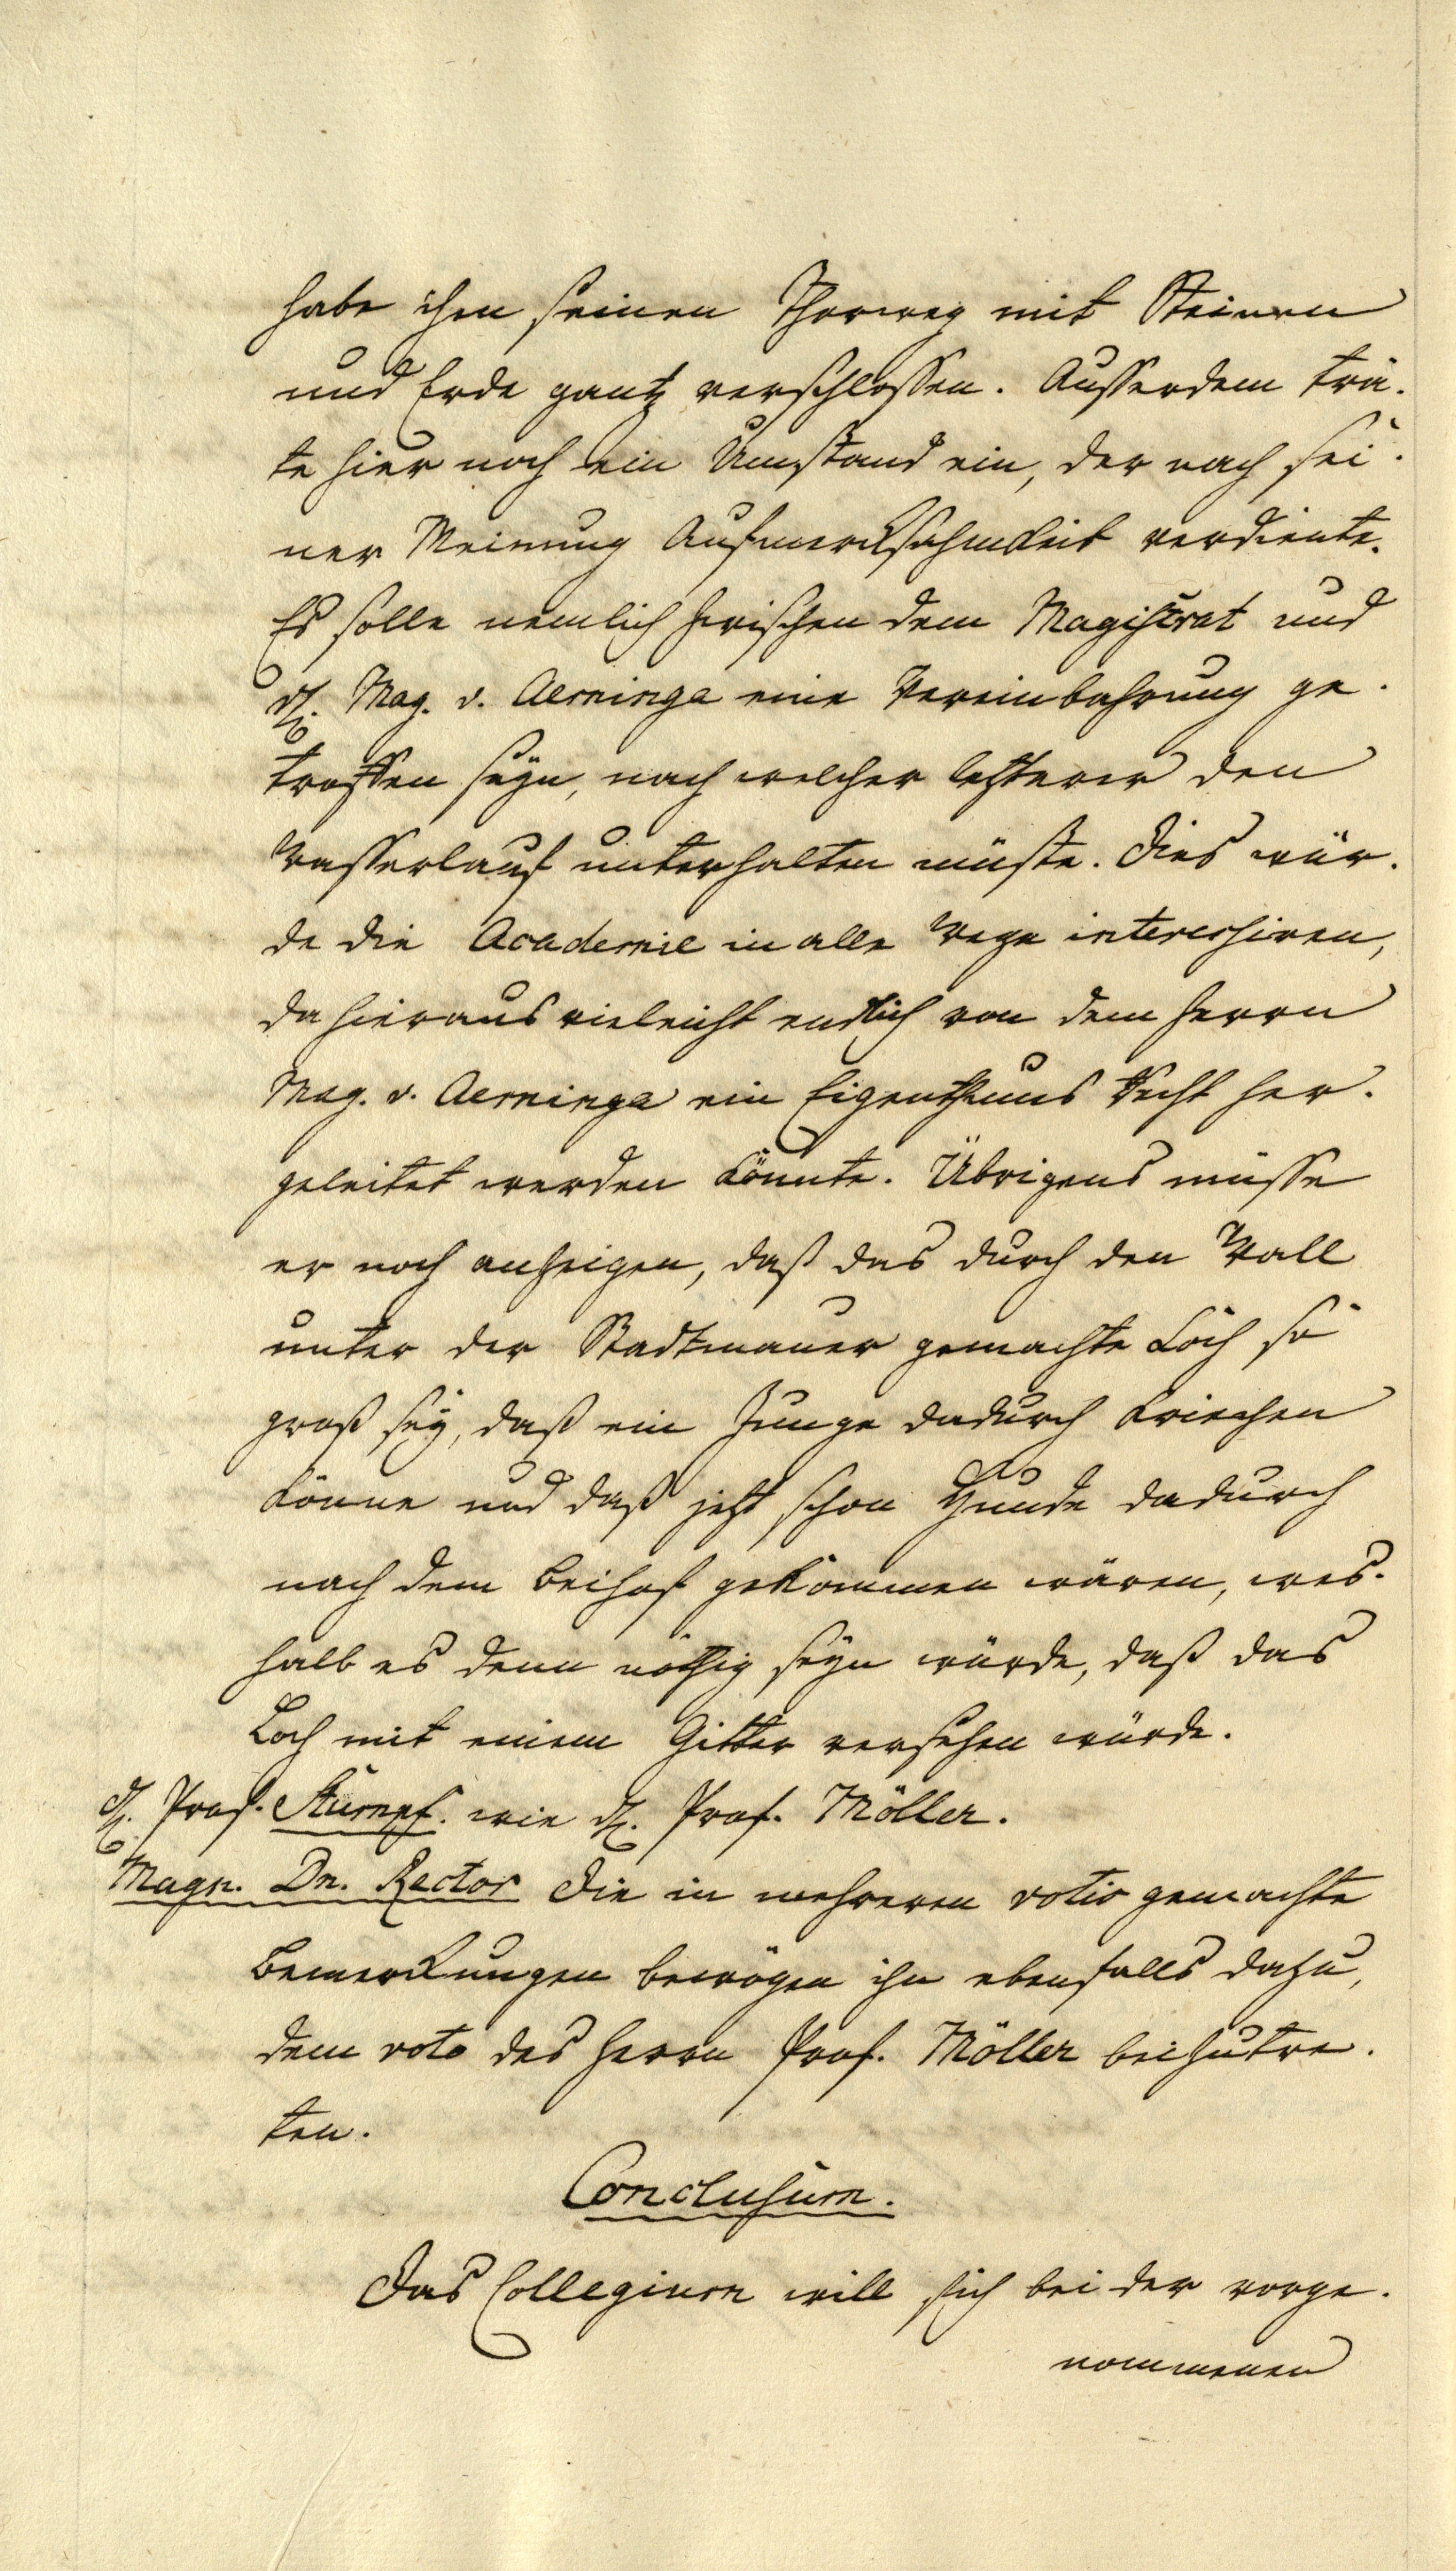habe ihm seinen Thorweg mit Steinen
und Erde gantz verschlossen. Ausserdem trä-
te hier noch ein Umstnad ein, der nach sei-
ner Meinung Aufmerksahmkeit verdiente.
Es solle nemlich zwischen dem Magistrat und
dh. Mag. v. Aeminga eine Verinbahrung ge-
troffen seyn, nach welcher letzterer den
Wasserlauf unterhalten müßte. Dies wür-
de die Academie in alle Wege interessiren,
da hieraus vieleicht endlich von dem Herrn
Mag. v. Aeminga ein Eigenthums Recht her-
geleitet werden könnte. Übrigens müsse
er noch anzeigen, daß das durch den Wall
unter der Stadtmauer gemachte Loch so
groß sey, daß ein Junge dadurch kriechen
könne und daß jetzt schon Hunde dadurch
nach dem Beihof gekommen wären, wes-
halb es denn nöthig seyn würde, daß das
Loch mit einem Gitter versehen würde.
dh. Prof. Stumpf. wie dh. Prof. Möller.
Magn. Dn. Rector die in mehreren votis gemachte
Bemerkungen bewögen ihn ebenfalls dazu,
dem voto des herrn Prof. Möller beizutre-
ten
Conclusum.
Das Collegium will sich bei der vorge
nommenen